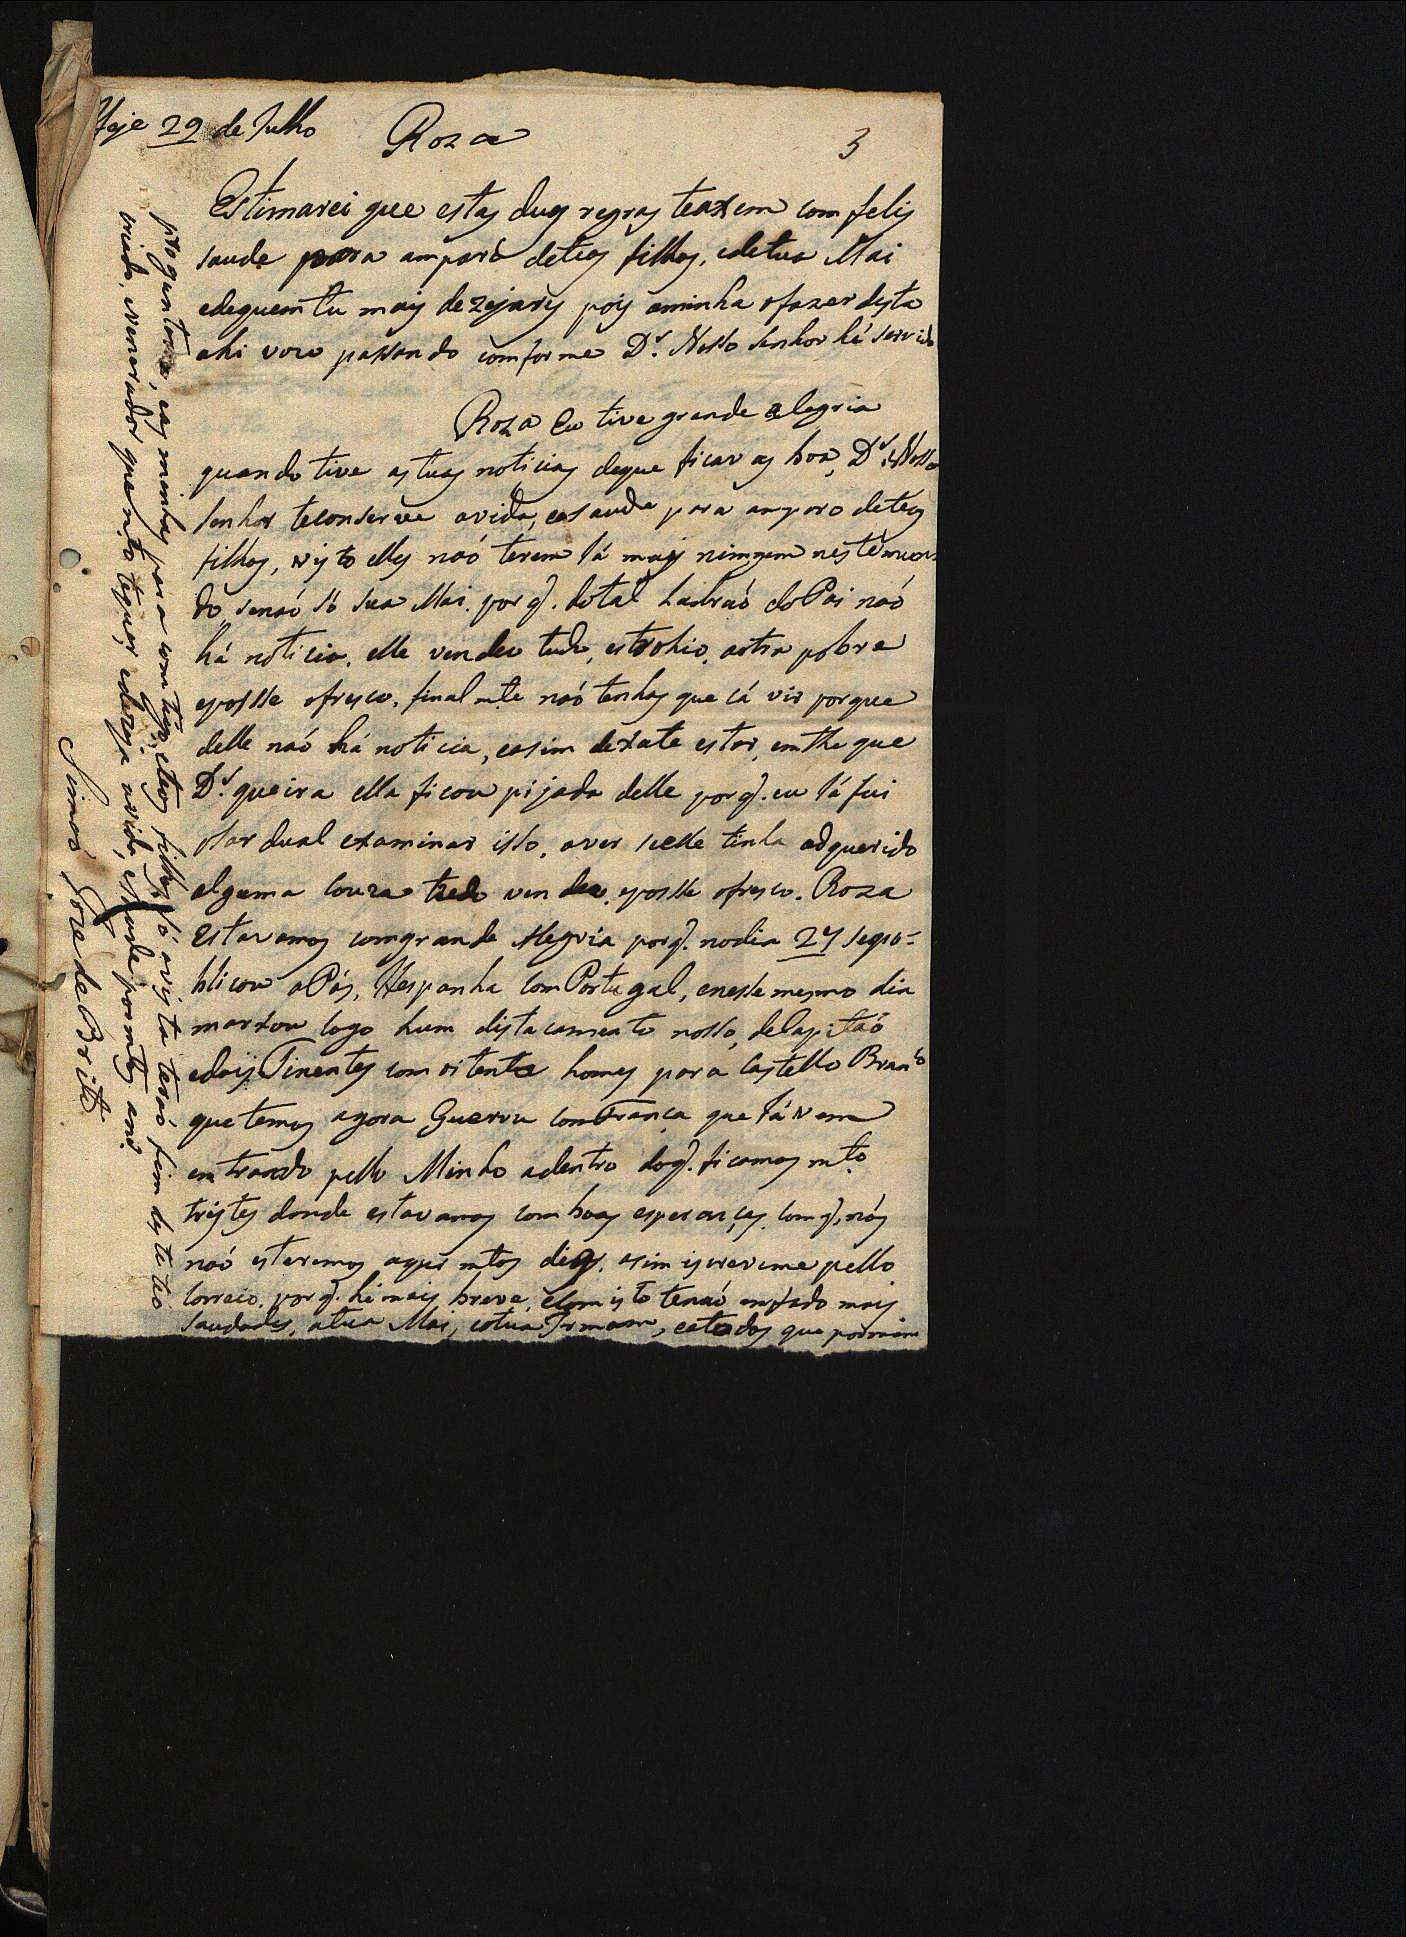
oje 29 de Julho Roza
3
Estimarei que estas duas regras te axem com felis
jsaude para amparo de teos filhos, e de tua Mai
e de quem tu mais dezejares pois a minha o fazer desta
ahi vou passando comforme D.s Nosso Senhor hé servido
Roza Eu tive grande alegria
quando tive as tuas noticias de que ficavas boa D.s Nosso
senhor te conserve a vida, e a saude para amparo de teus
filhos, visto elles naõ terem Já mais nimgem neste mun
do se naõ só sua Mai. porq̄ do tal Ladraõ do Pai naõ
há noticia, elle vendeo tudo estrohio a otra pobre
e possse o fresco, finalm.te naõ tenhas que cá vir porque
delle naõ há noticia, e asim dexate estar, em lhe que
D.s queira ella ficou pijada delle porq̄ eu Já fui
o Sardual examinar isso, a ver se elle tinha adquerido
alguma couza tudo vendeo, e possse o fresco. Roza
Estavamos com grande Alegria porq̄ no dia 27 se po
blicou a Pás, Hespanha com Portugal, e neste mesmo dia
marxou logo hum distacamento nosso de Capitaõ
e dois Tinentes com oitenta homes para Castello Branco
que temos agora Guerra com França que Já vem
entrando pello Minho adentro do q̄. ficamos m.to
tristes donde estavamos com boas esperanças, com q̄. nós
naõ esteremos aqui m.tos dias, asim iscreveme pello
Corraio porq̄. hé mais breve, e Com isto te naõ enfado mais
saudades a tua Mai, e a tua Jrmam, e a todos que por mim
progunta__, e as minhas para comtigo, e teos filhos só a vista teraõ fim deste ceo
criado, e venerador que n.to te quer, e dezeja a vida, e saude por mtos ano
Simaõ Joze de Brito
